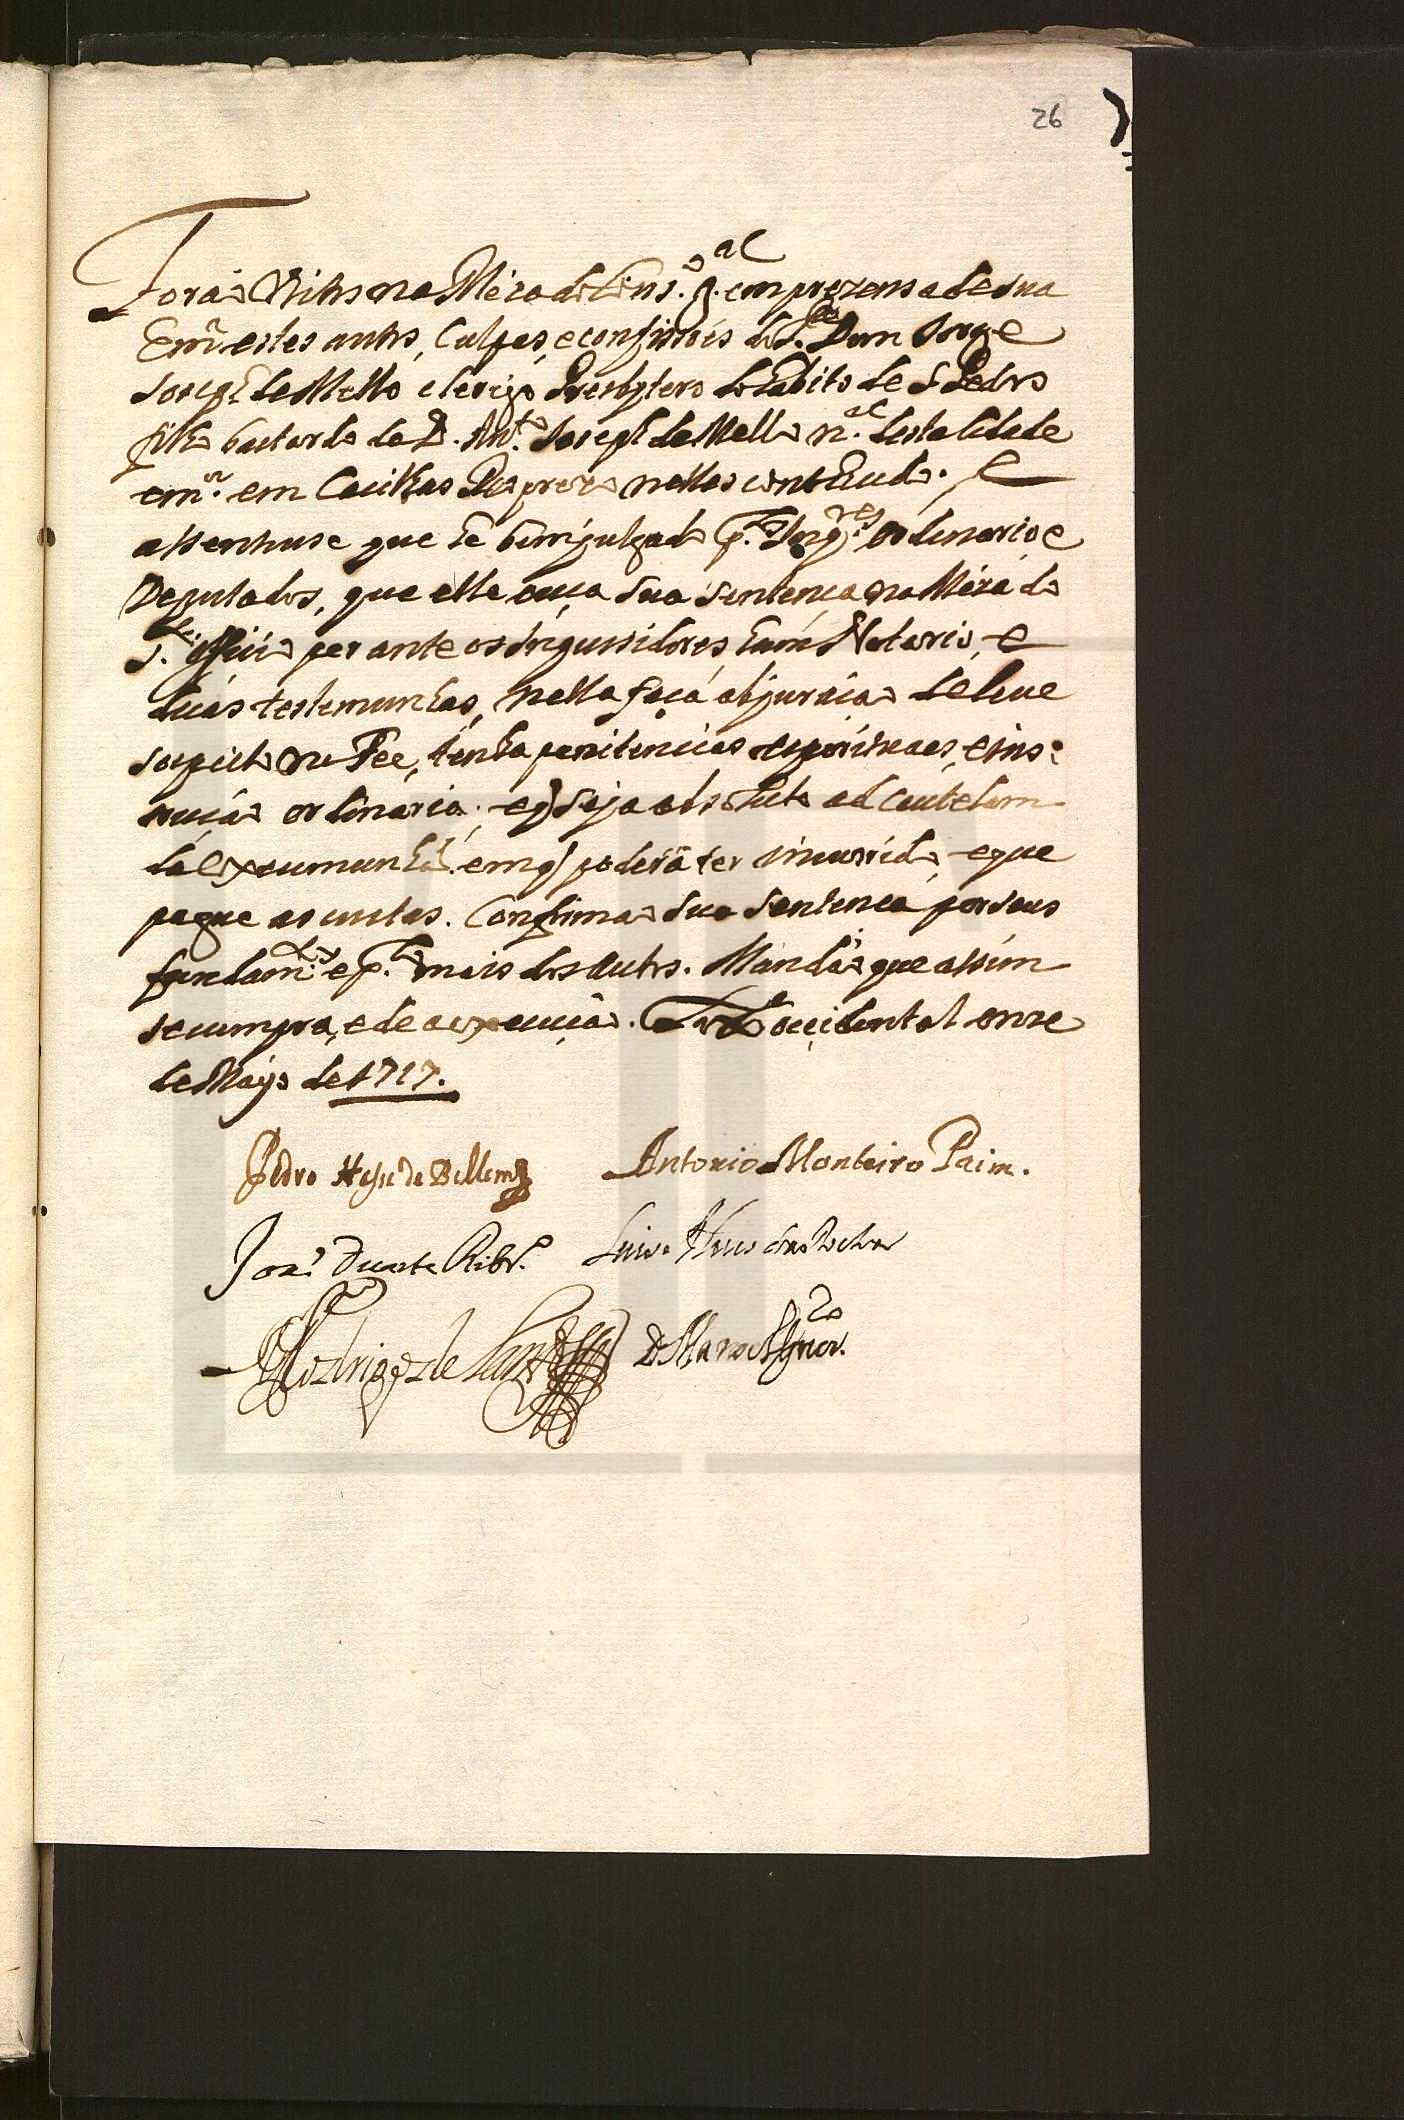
Foraõ Vistos na Méza do Cons.o g.al em prezensa de sua
Ema estes autos, Culpas e confissoẽs do P.e Dom Iorge
Ioseph de Mello clerigo Presbytero do habito de S. Pedro
filho bastardo de D. An.to Ioseph de Mello n.al desta Cidade
e m.or em Cacilhas Reo prezo nelles contheudo. E
assentouse que he bem julgado p.los Inq.res ordenario e
Deputados, que elle ouça sua sentença na Méza do
s.to officio perante os Inquisidores, hum Notario, e
duas testemunhas, nella faça abjuraçao de leue
sospeito na Fee, tenha penitencias espirituaes, e ins
trução ordinaria; e q̄ seja absoluto ad cautelam
da excumunhaõ em q̄ poderá ter incurrido, e que
pague as custas. Confirmao sua sentenca por seus
fundam.tos e p.lo mais dos autos. Mandaõ que assim
se cumpra, e de a execução. Lix.a occidental onze
de Mayo de 1717.
Pedro Hasse de Bellem
Antonio Monteiro Paim.
Joaõ Duarte Ribr.o
Luis Alues da Rocha
Rodrigo de Lanto
D Manoel Guer.ro
